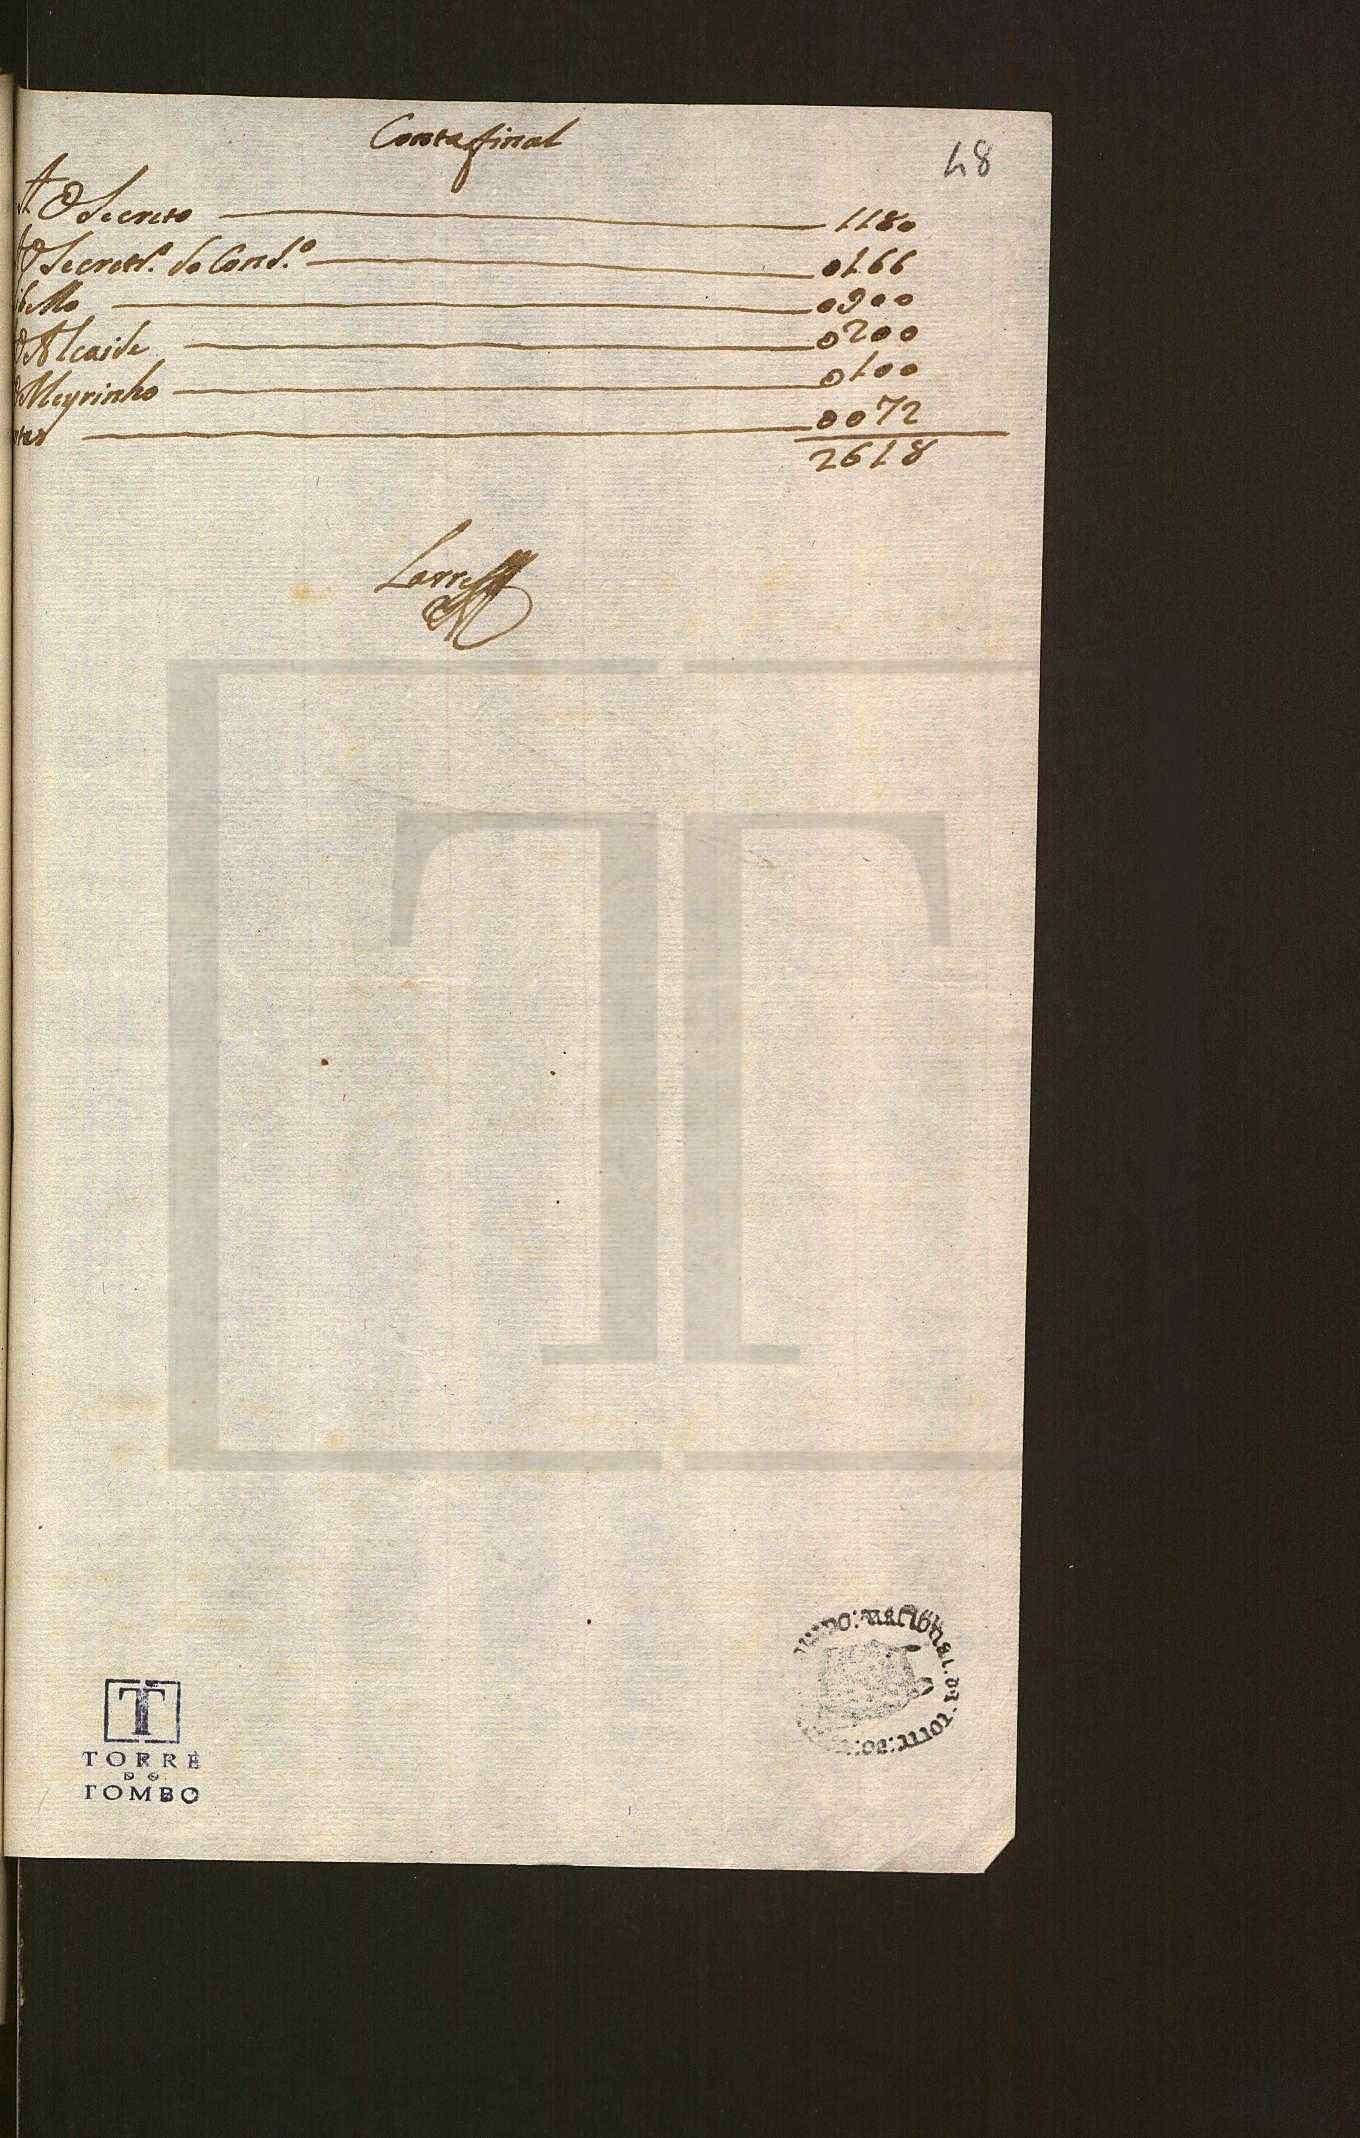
Conta final
AO Secreto
1180
O Secretr.o do Cons.o
0166
bello
0900
Alcaide
0200
Meyrinho
0100
as
0072
2618
Larre
